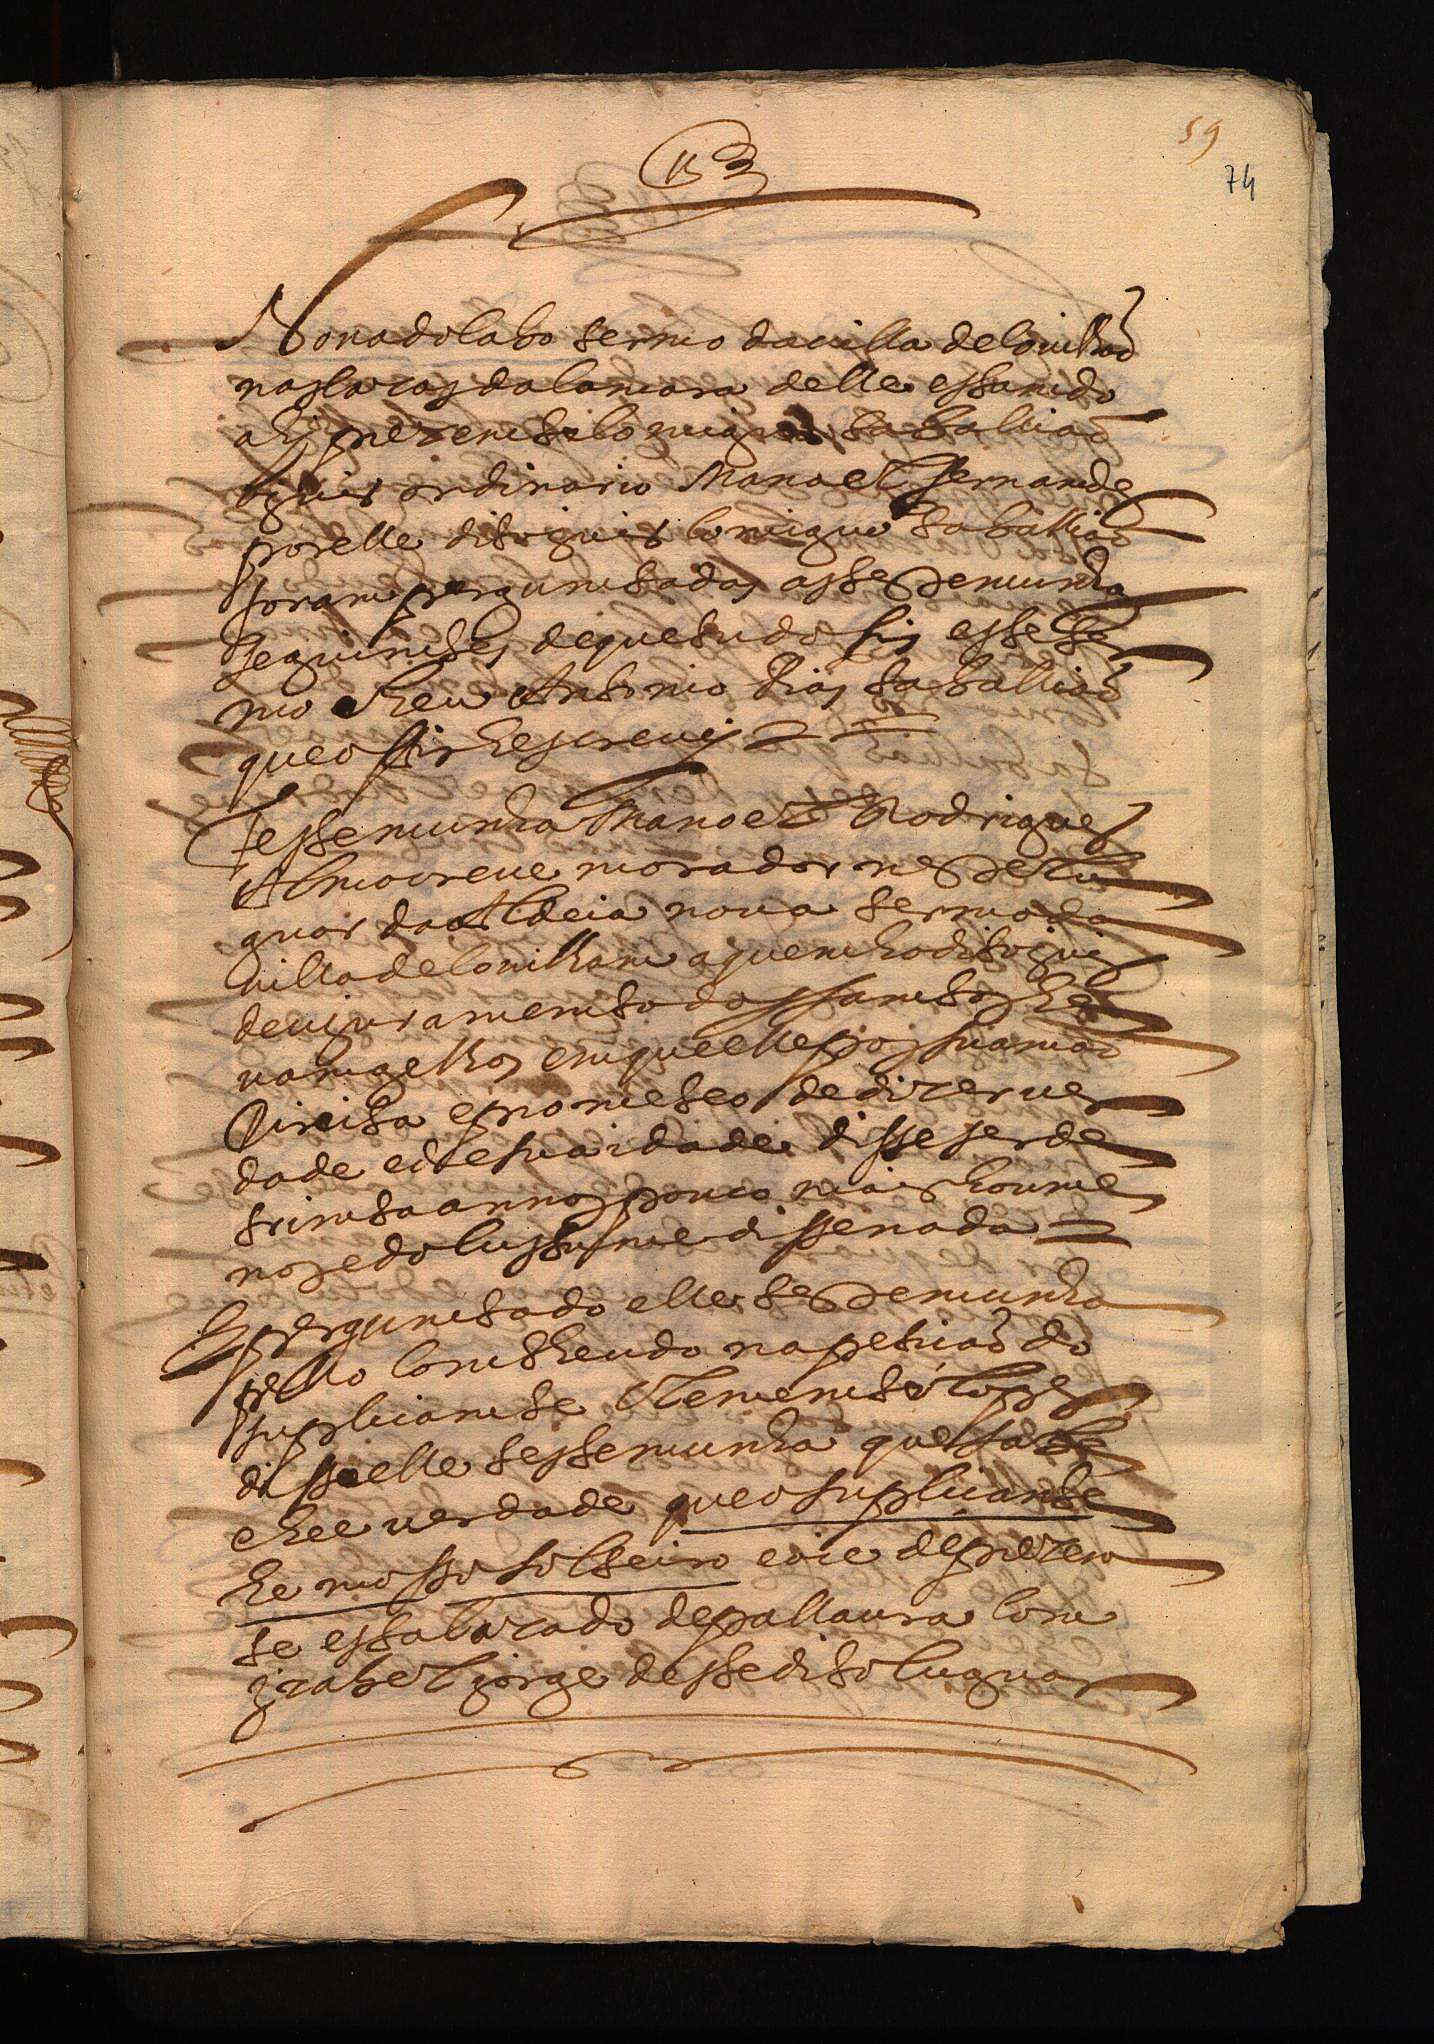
Noua do Cabo termo da uilla de Couilhaõ
nas Cazas da Camara delle estando
ahj prezemte Comigu_ taballiaõ
o juis ordinario Manoel fernandes
por elle dito juis Comiguo taballiaõ
foram pergumtadas as testemunhas
seguimtes de que tudo fis este ter
mo _ E eu Antonio Pias taballiaõ
que o fis E escreuy = =
Testemunha Manoel Rodrigues
Almocreue morador neste lu
guar da Aldeia noua termo da
uilla de Couilham a quem ho dito juis
deu juramemto dos samtos he
uamgelhos em que elle pos sua maõ
Direita e prometeo de dizer uer
dade e de sua idade disse ser de
trimta annos pouco mais hou me
nos e do Custume disse nada =
E pergumtado elle testemunha
pello Comtheudo na petiçaõ do
suplicamte Clememte lopes
diss_ elle testemunha que sabe
e hee uerdade que o suplicante
he mosso solteiro e oie de prezem
te esta Cazado de pallaura Com
jzabel jorge deste dito luguar
